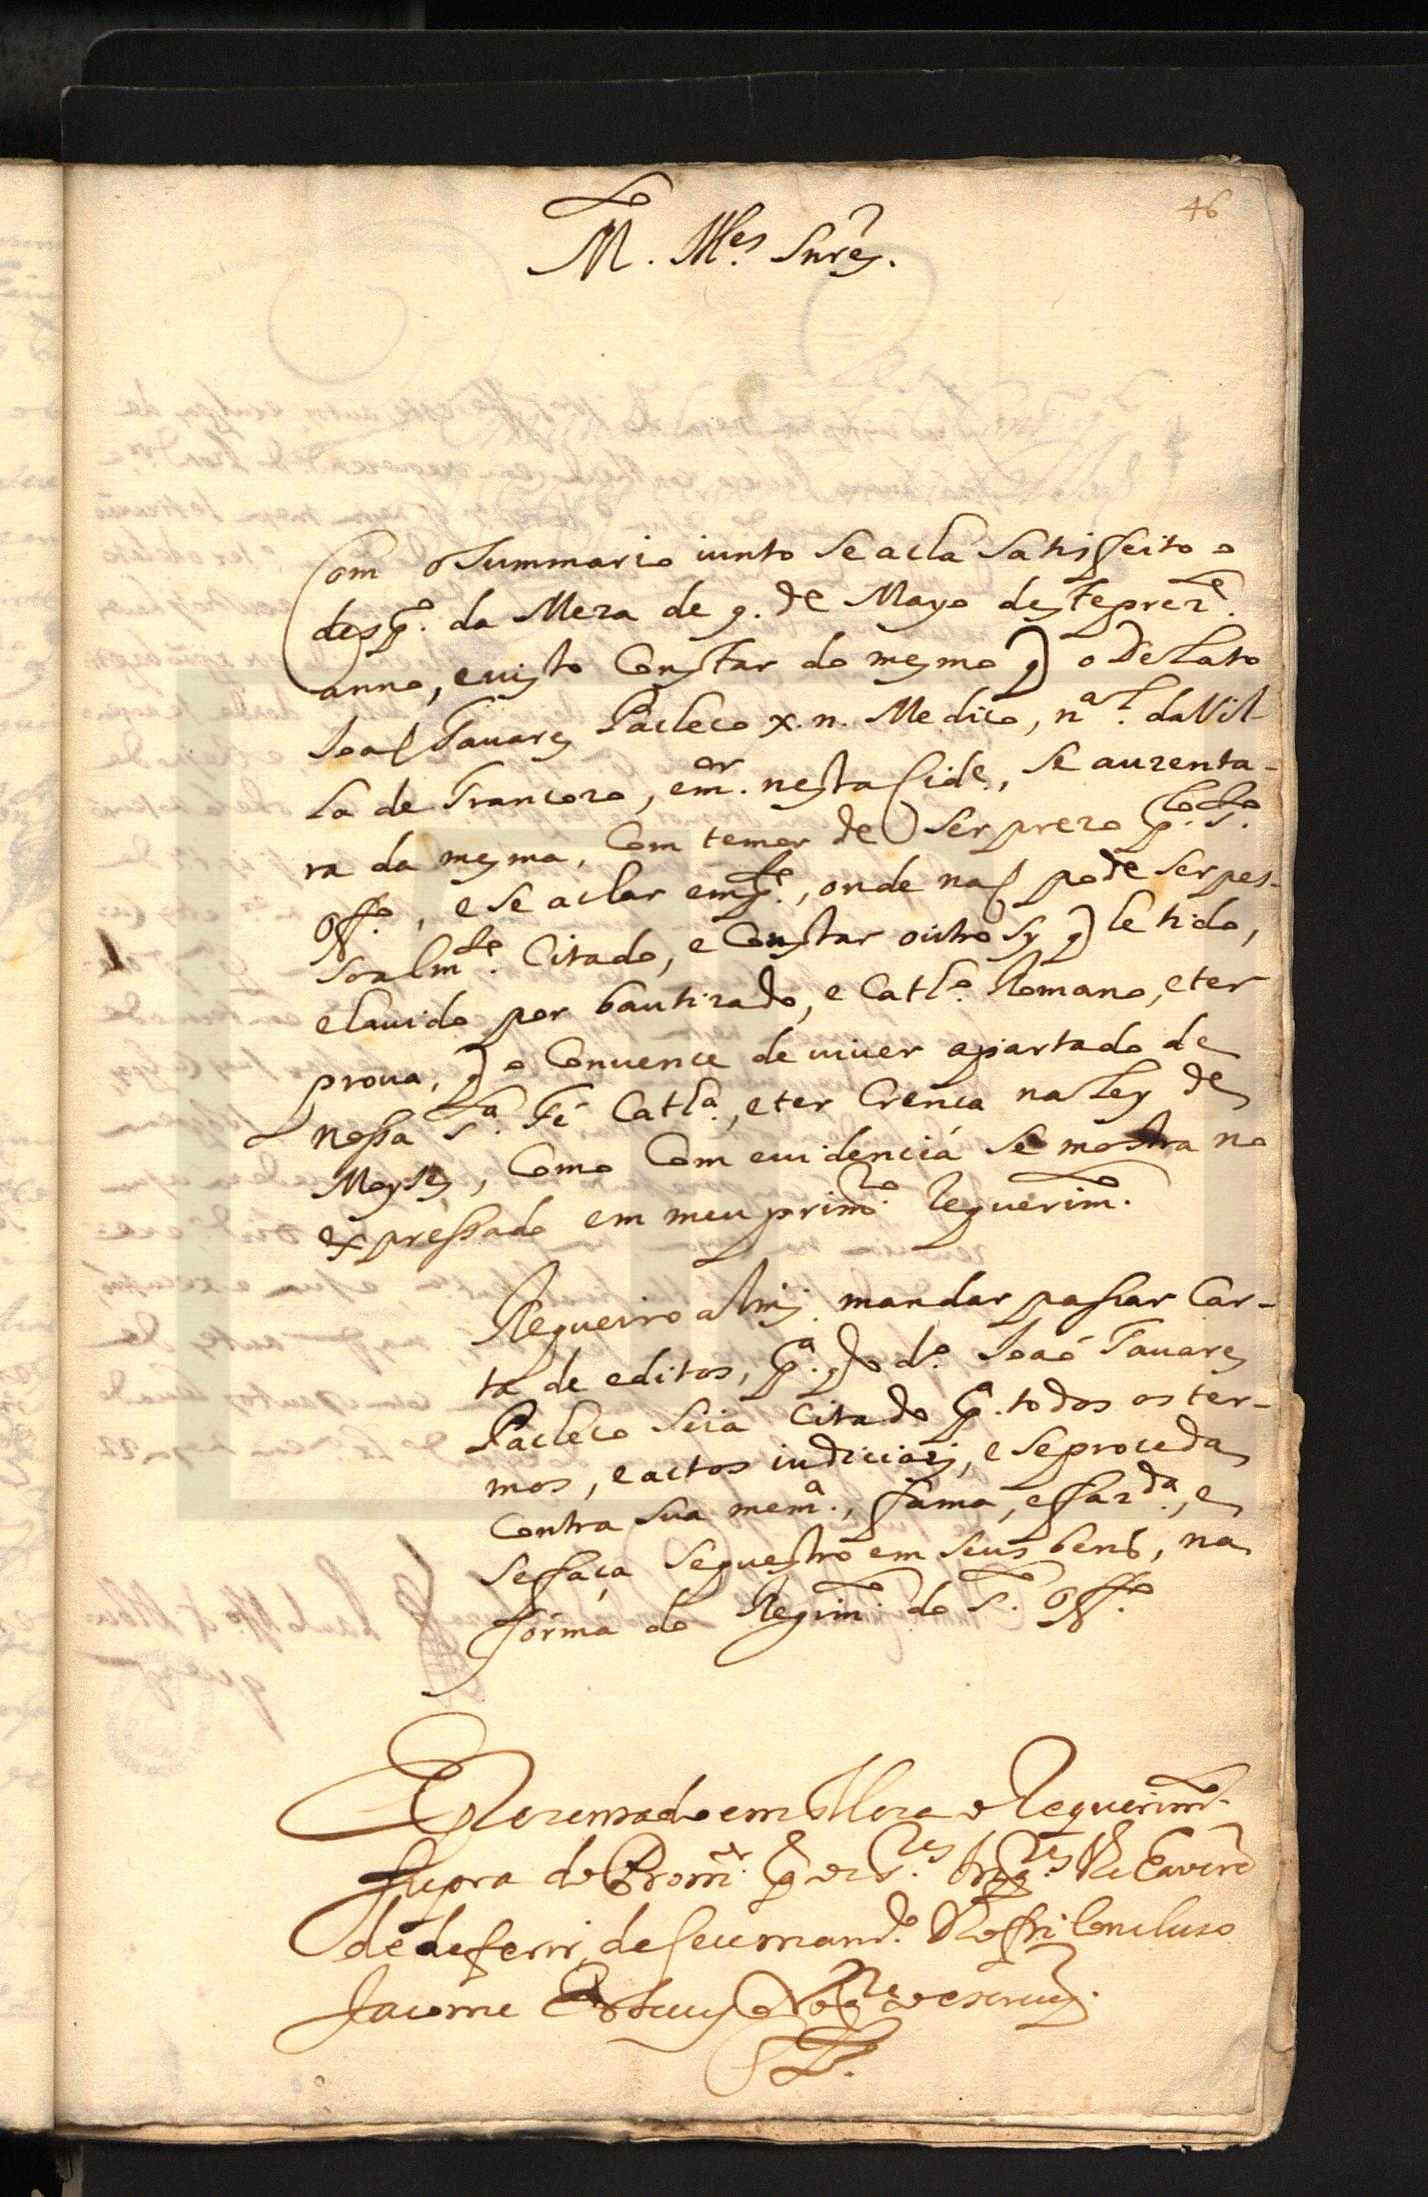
M.to Ill.es Snrēs.
Com o Summario iunto se acha satisfeito o
desp.o da Meza de 9. de Mayo deste prez.te
anno, e uisto Constar do mesmo, q̄ o Delato
Ioaõ Tauares Pacheco x. n. Medico, n.al da Vil
la de Trancozo, e mor. nesta Cid.e, se auzenta
ra da mesma, Com temor de ser prezo p.lo s.to
off.o, e se achar em p.te, onde naꝭ pode ser pes
soalm.te Citado, e Constar outrosy q̄ he tido,
e hauido por bautizado, e Cath.o Romano, e ter
proua, q̄ o Conuence de uiuer apartado de
nossa sta. Fé Catha., e ter Crença na Ley de
Moyses, Como Com euidencia se mostra no
expressado em meu primro. Requerimto.
Requeiro a Vm̄s mandar passar Car
ta de editos, p.a q̄ o d.o Ioaõ Tauares
Pacheco seia citado p.a todos os ter
mos, e actos iudiciaes, e se proceda
Contra sua mema., fama, e faz.da, e
se faça sequestro em seus bens, na
forma do Regim.to do s.to off.o
E pRezentado em Meza o Requerim.to
supra do Prom.or pa os s.res Inq.res lhe haverē
de deferir de seu mand.o lho foi Concluzo
Jacome Esteues Nogra o escreuj.
CL.o
